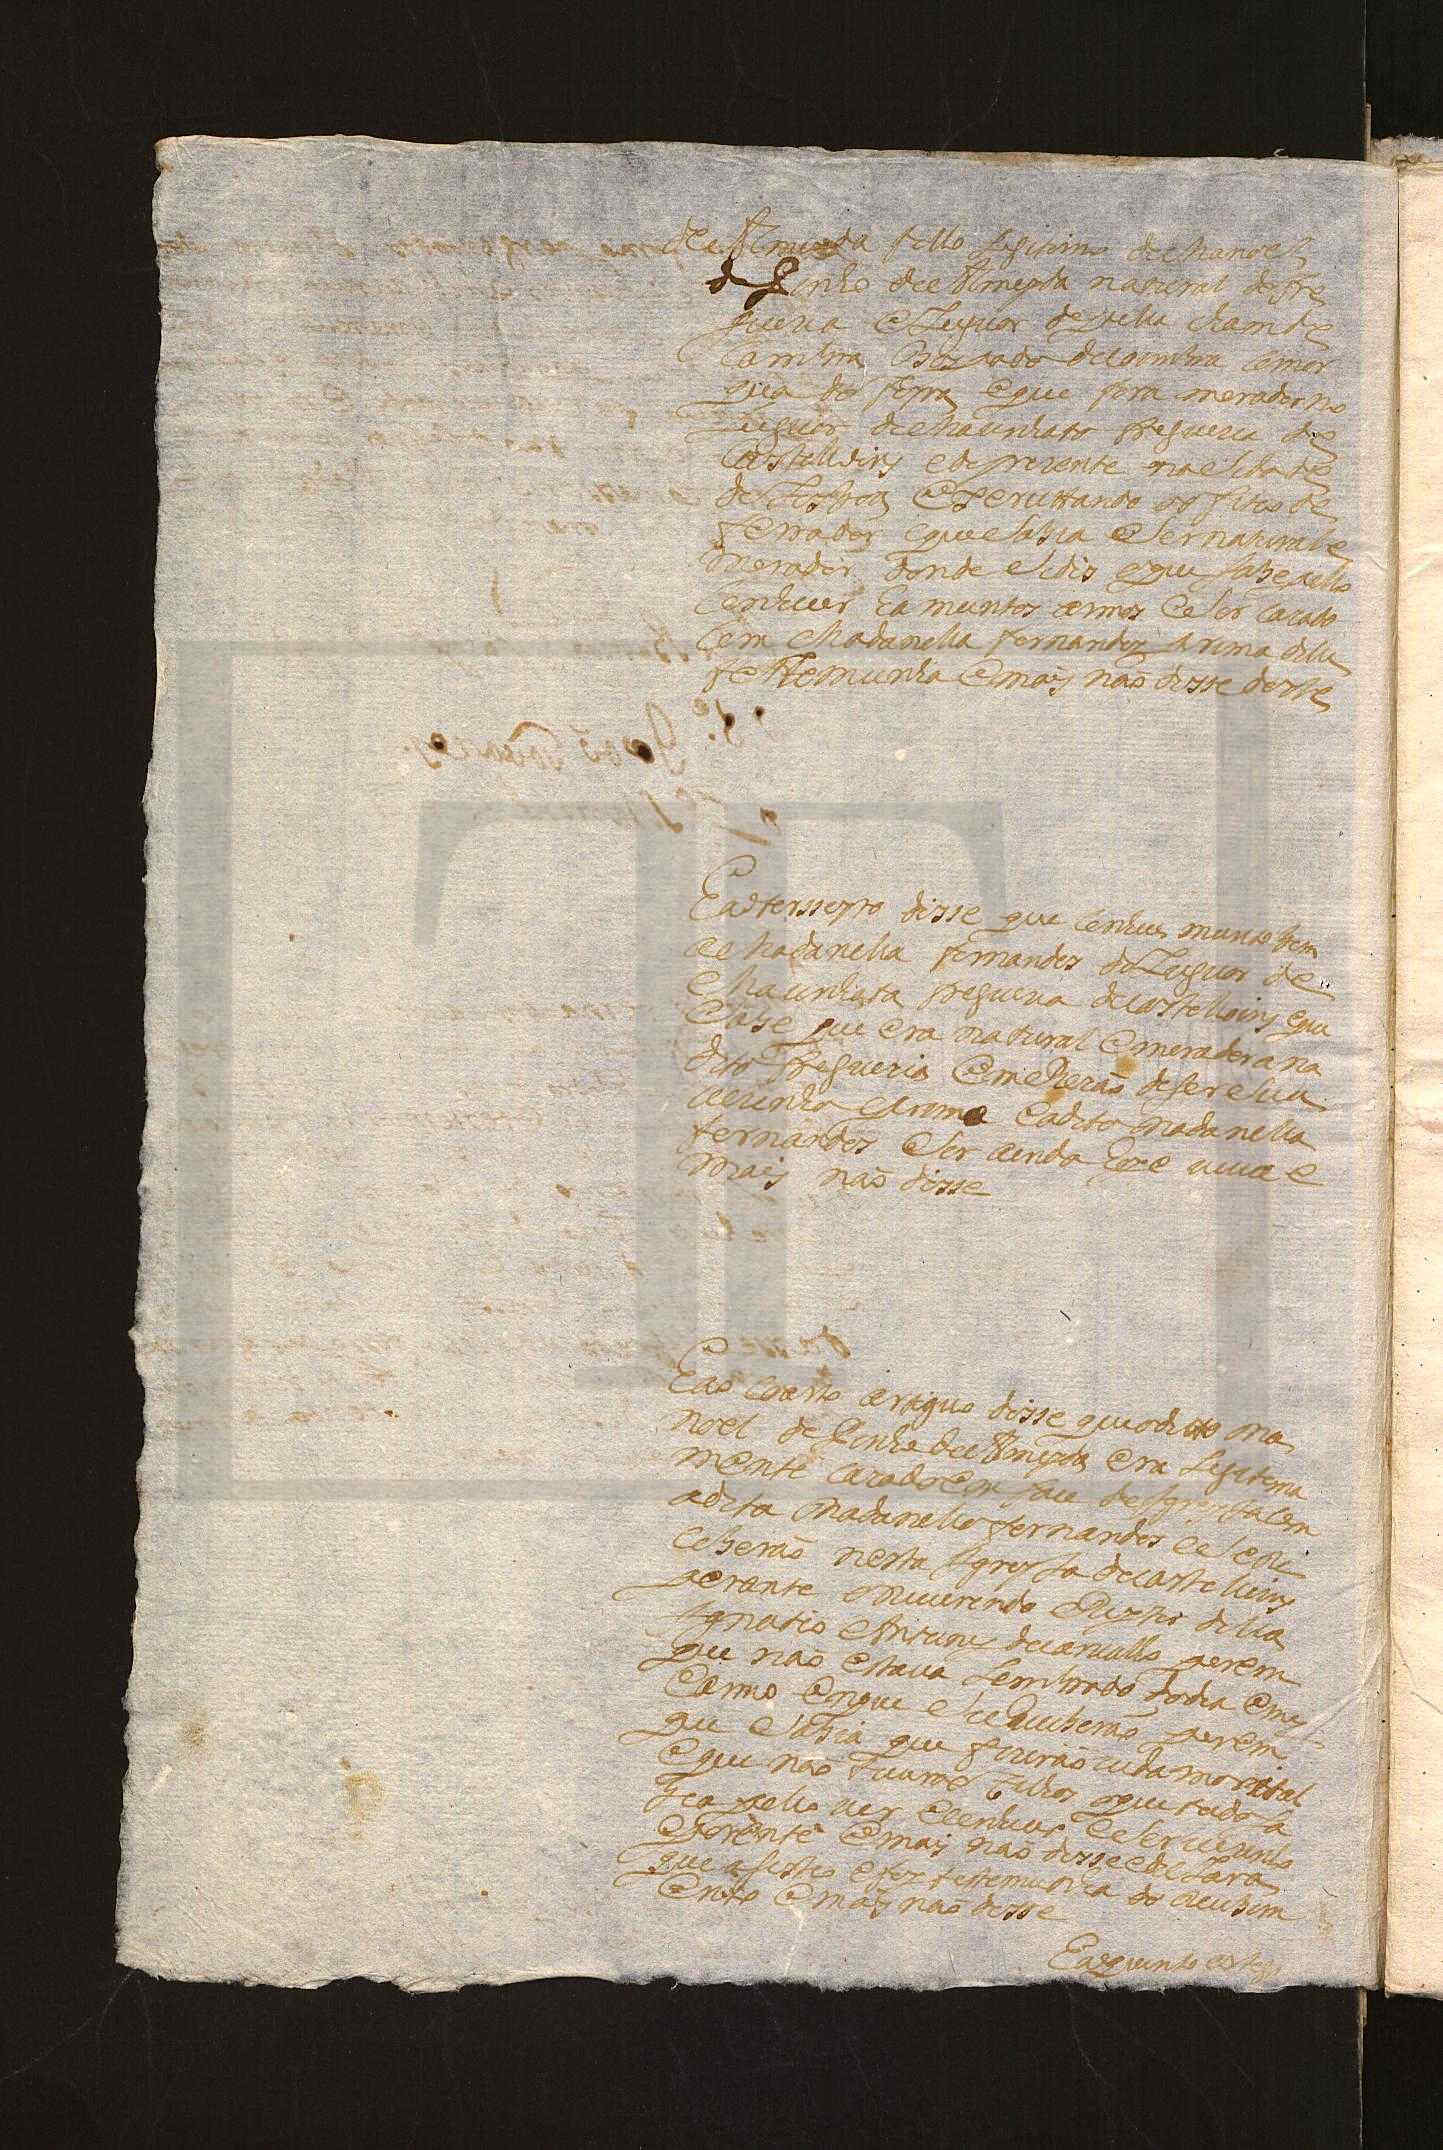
de Alme_da filho Legitimo de Manoel
de Pinho de Almeyda natural da fre
guezia e Luguar de Villa cham de
Cambra Bizpado de coimbra comar
qua da feyra e que fora morador no
luguar de Macinhata freguezia de
castelloins e de prezente na Sidade
de Lisboa Exercittando o ofiseo de
ferrador e que Sabia Ser natural e
morador donde Se dis e que sabe pello
Conhecer ha muntos annos e Ser cazado
Com Madanella fernandez prima delle
testemunha E mais naõ disse deste
E ao tersseyro disse que Conhece munto bem
a Madanella fernandes do Luguar de
Macinhata freguezia de castelloins que
Sabe que era natural e moradora na
dita freguezia em Rezaõ de ser Sua
uezinha e prima e a dita madanella
fernandes Ser ainda hoje uiua e
mais naõ disse
E ao coarto artiguo disse que o ditto ma
noel de Pinho de Almeyda era Legitema
mente cazado em face de JgreyJa com
a dita Madanella fernandes e Se Re
ceberaõ nesta IgreyJa de casteloins
perante o Reuerendo Reytor della
Jgnasio Antunes de caruallo porem
que naõ estaua Lembrado do dia e mes
E anno en que Se Receberaõ porem
que Sabia que fizeraõ uida marital
E que naõ tiueram filhos o que tuda sa
bia pella uer e conhecer E Ser uizinho
e parente e mais naõ disse e decLara
que asiste e fez testemunha do Recebim
Ento e mais naõ disse
E ao quinto artigo
